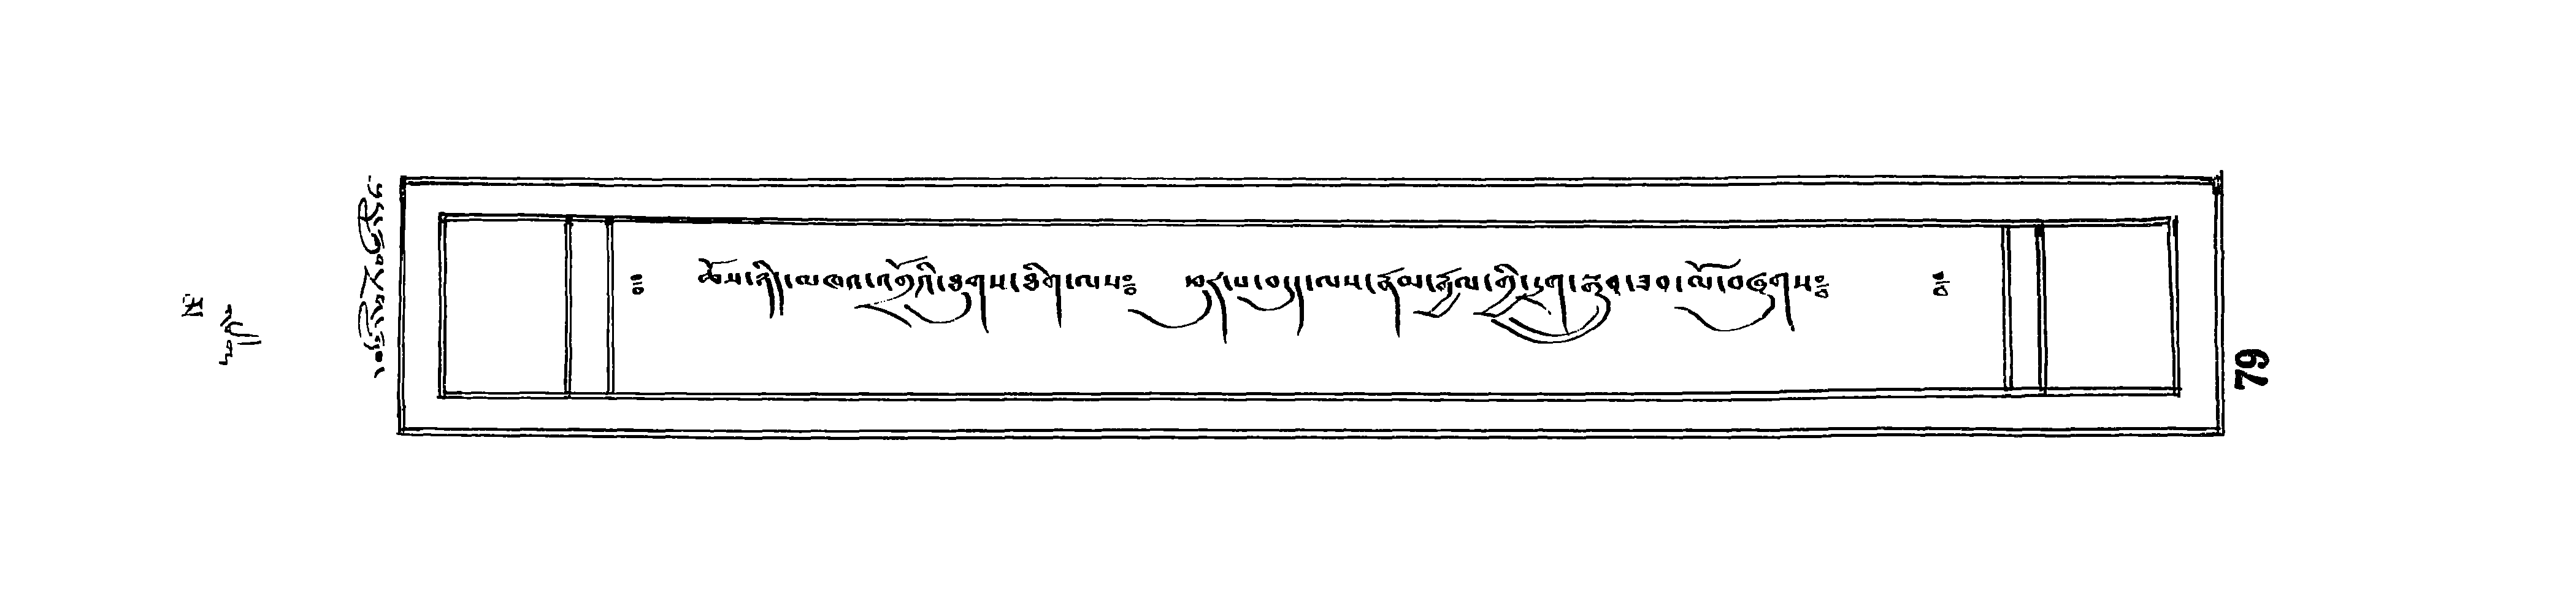ཆོས་ཉིད་མཁའ་འགྲོའི་ཐུགས་ཐིག་ལས༔ ཕུར་པ་བདུད་ལས་རྣམ་རྒྱལ་གྱི་དྲག་སྒྲུབ་ཟབ་མོ་བཞུགས༔